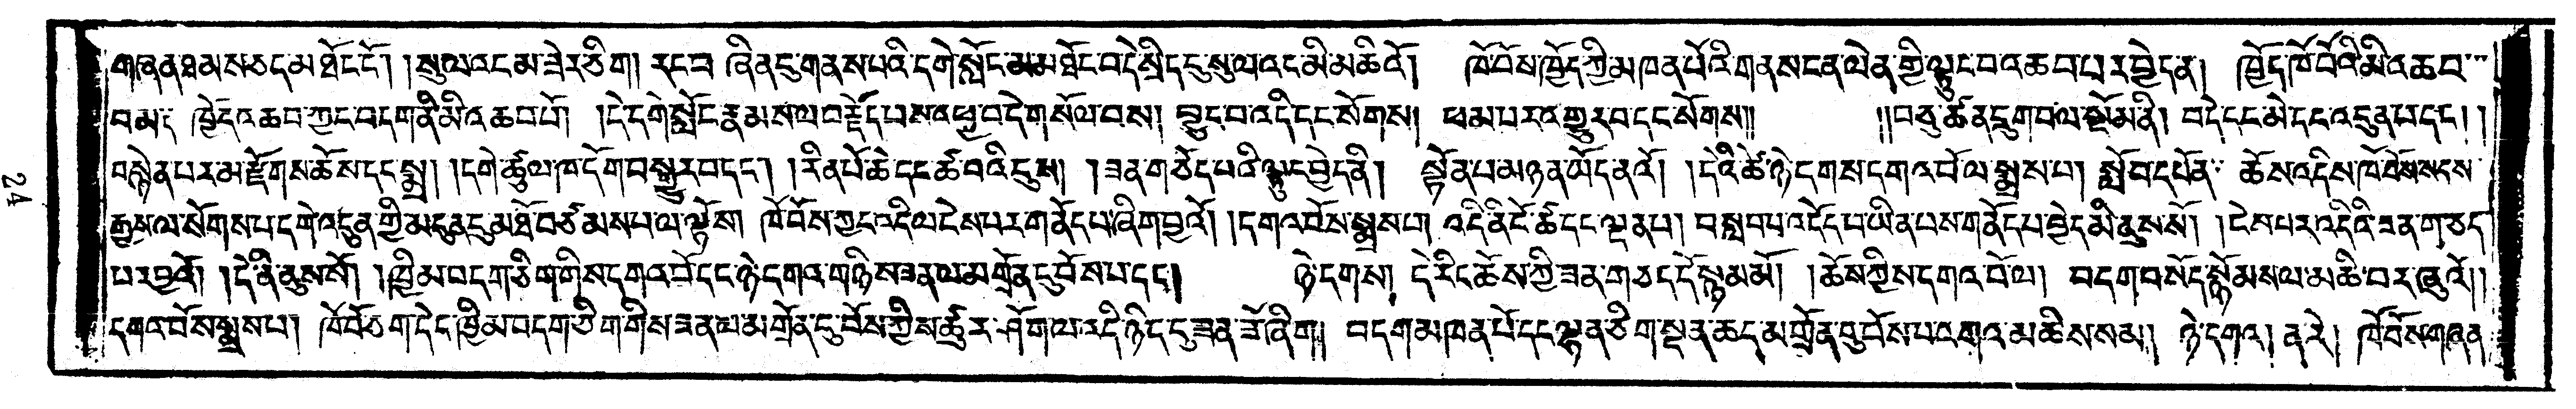གཞན་ཐམས་ཅད་མཐོང་ངོ། །སུལ་འང་མ་ཟེར་ཅིག། རང་བཞིན་དུ་གནས་པའི་དགེ་སློང་མ་མཐོང་བ་དེ་སྲིད་དུ་སུ་ལའང་མི་མཆིའོ། ཁོ་བོས་ཁྱོད་ཀྱི་མཁན་པོའི་གནས་ངན་ལེན་གྱི་ལྟུང་བ་འཆབ་པར་བྱེད་ན། ཁྱོད་ཁོ་བོའི་མི་འཆབ་
བམ༑ ཁྱོད་འཆབ་ཀྱང་བདག་ནི་མི་འཆབ་པོ། །དེ་དགེ་སློང་རྣམས་ལ་བརྗོད་པས་འཕྱ་བ་དེ་གསོལ་བས། བྱུང་བ་འདི་དང་སོགས། ཕམ་པར་འགྱུར་བ་དང་སོགས།། །།བཅུ་ཚན་དྲུག་བལ་སྡོམ་ནི། བདེ་དང་མེ་དང་འདུན་པ་དང་། །
བསྙེན་པར་མ་རྫོགས་ཆོས་དང་སྨྲ། །དགེ་ཚུལ་ཁ་དོག་བསྒྱུར་བ་དང་། །རིན་པོ་ཆེ་དང་ཚ་བའི་དུས། །ཟན་གཅོད་པའི་ལྟུང་བྱེད་ནི། སྟོན་པ་མཉན་ཡོད་ནའོ། །དེའི་ཚེ་ཉེ་དགས་དགའ་བོ་ལ་སྨྲས་པ། སློབ་དཔོན༑ ཆོས་འདིས་ཁོ་བོས་སངས་
རྒྱས་ལ་སོགས་པ་དགེ་འདུན་གྱི་མདུན་དུ་མཐོ་བཙམས་པ་ལ་ལྟོས། ཁོ་བོས་ཀྱང་འདི་ལ་ངེས་པར་གནོད་པ་ཞིག་བྱའོ། །དགའ་བོས་སྨྲས་པ། འདི་ནི་ངོ་ཚ་དང་ལྡན་པ། བསླབ་པ་འདོད་པ་ཡིན་པས་གནོད་པ་བྱེད་མི་ནུས་སོ། །ངེས་པར་འདིའི་ཟན་གཅད་
པར་བྱའོ། །དེ་ནི་ནུས་སོ། །ཁྱིམ་བདག་ཅིག་གིས་དགའ་བོ་དང་ཉེ་དགའ་གཉིས་ཟན་ལ་མགྲོན་དུ་བོས་པ་དང་། ཉེ་དགས། དེ་རིང་ཆོས་ཀྱི་ཟན་གཅད་དོ་སྙམ་མོ། །ཆོས་ཀྱིས་དགའ་བོ་ལ། བདག་བསོད་སྙོམས་ལ་མཆི་བར་ཞུའོ།།
དགའ་བོས་སྨྲས་པ། ཁོ་བོ་ཅག་དེང་ཁྱིམ་བདག་ཅིག་གིས་ཟན་ལ་མགྲོན་དུ་བོས་ཀྱིས་ཚུར་ཤོག་ལ་འདི་ཉིད་དུ་ཟན་ཟོ་ཞིག། བདག་མཁན་པོ་དང་ལྷན་ཅིག་སྡན་ཆད་མགྲོན་བུ་བོས་པ་འགའ་མཆིས་སམ། ཉེ་དགའ། ན་རེ། ཁོ་བོས་གཞན་